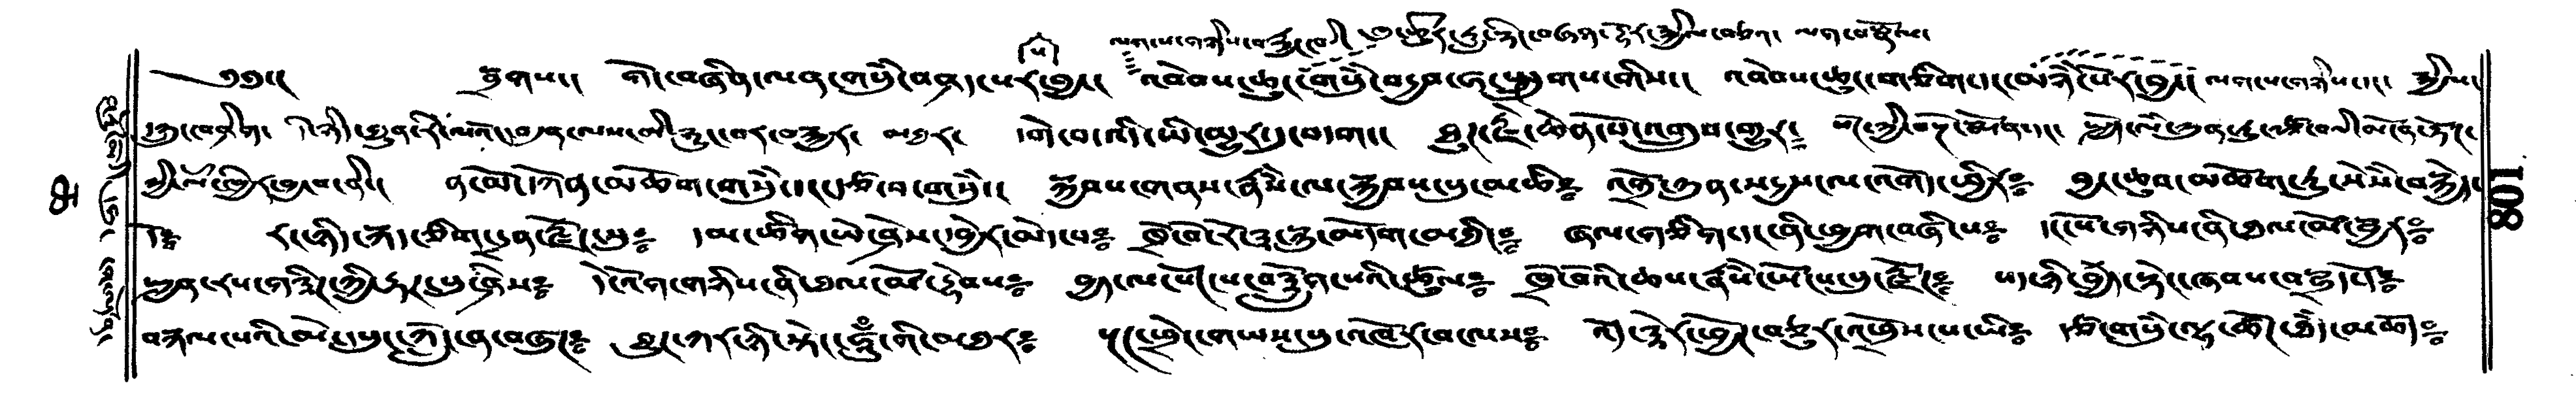སྦྲགས། །གོང་བཞིན་ལན་གསུམ་བཤད་པར་བྱ། །འབེབས་ཆུང་གསུམ་བརྒྱབ་ཧ་སྤྲུགས་ཀྱིས། །འབེབས་ཆུང་གཅིག་དང་མཉམ་པོར་བྱ། །
དགེ་བ་འདི་ཡི་མྱུར་དུ་བདག །ཐུགས་རྗེ་ཆེན་པོ་འགྲུབ་གྱུར༴ སོགས་ཀྱི་བསྔོ་སྨོན་དང་། སྤྱོད་ལམ་ཀུན་ཏུ་རྩ་བའི་མངོན་རྟོགས་
ཀྱི་ལམ་ཁྱེར་བྱ་བ་ནི། ན་མོ༔དཀོན་མཆོག་གསུམ་དང་རྩ་བ་གསུམ༔ སྐྱབས་གནས་རྣམས་ལ་སྐྱབས་སུ་མཆི༔ འགྲོ་ཀུན་སངས་རྒྱས་ལ་འགོད་ཕྱིར༔ བྱང་ཆུབ་མཆོག་ཏུ་སེམས་བསྐྱེད་
དོ༔ རང་ཉིད་སྐད་ཅིག་དྲན་རྫོགས་སུ༔ དམ་ཚིག་ཡེ་ཤེས་དབྱེར་མེད་པ༔ ཁྲོ་བོ་རོ་ཟ་སྐུ་མདོག་མཐིང༔ ཞལ་གཅིག་དང་ནི་ཕྱག་བཞི་པ༔ དང་པོ་གཉིས་ནི་ཐལ་མོ་སྦྱར༔ 
སྤྱན་རས་གཟིགས་ཀྱི་རྟགས་སུ་ཤེས༔ དེ་འོག་གཉིས་ནི་ཐལ་མོ་རྡེབ༔ བྱད་ལ་སོགས་པ་བཟློག་པའི་ཚུལ༔ ཁྲོ་བོའི་ཆས་རྣམས་ཡོངས་སུ་རྫོགས༔པད་ཉི་བྱད་སྟེང་ཞབས་བསྒྲད་དོ༔ 
བསྐལ་པའི་མེ་དཔུང་ཀློང་ན་བཞུགས༔ ཐུགས་ཀར་ཉི་སྟེང་ཧཱུྃ་གི་མཐར༔ སྔགས་ཕྲེང་གཡས་སུ་འཁོར་བ་ལས༔ འོད་ཟེར་ཕྱོགས་བཅུར་འཕྲོས་པ་ཡི༔ རྩ་གསུམ་ལྷ་ཚོགས་ཐམས་ཅད་མཆོད༔